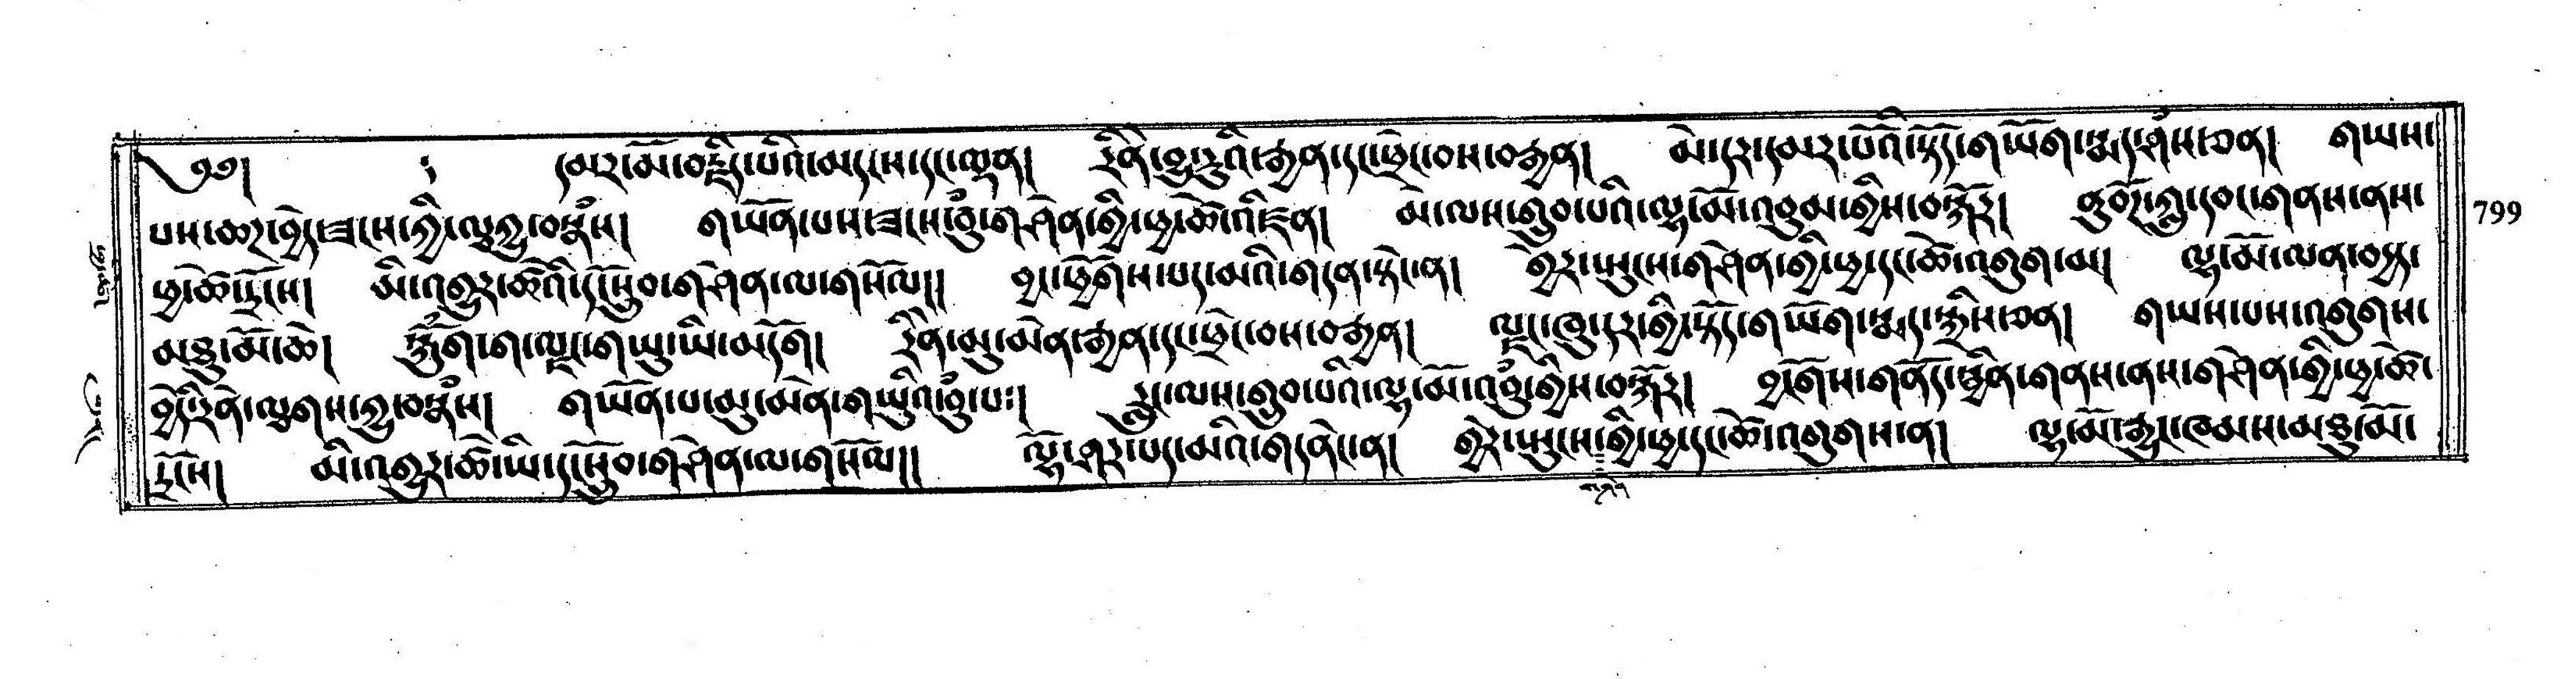དམར་མོ་བརྗིད་པའི་མདངས་དང་ལྡན། རིན་ཆེན་བྱུ་རུའི་རྒྱན་དང་ཕྲེང་བས་བརྒྱན། མེ་དར་དམར་པོའི་སྟོད་གཡོག་སྨད་ཤམས་ཅན། གཡས་
པས་ཆགས་བྱེད་ཟངས་ཀྱི་ལྕག་ཀྱུ་བསྣམས། གཡོན་པས་ཟངས་བུམ་གཤེན་གྱི་ཕྱ་ཚེ་འཛིན། མེ་ལས་གྲུབ་པའི་ལྷ་མོ་འབུམ་གྱིས་བསྐོར། ནུབ་ཕྱོགས་ཀླུ་དབང་གནས་ནས་
ཕྱ་ཚེ་དྲོངས། མི་འགྱུར་ཚེའི་དངོས་གྲུབ་གཤེན་ལ་གསོལ།། བྱང་ཕྱོགས་པད་མའི་གདན་སྟེང་ན། གྱེར་སྤུངས་གཤེན་གྱི་ཕྱ་དང་ཚེ་འགུག་མ། ལྷ་མོ་ལན་བརྒྱད་
མཐུ་མོ་ཆེ། སྐུ་མདོག་ག་ལྗང་གཡུ་ཡི་མདོག རིན་ཆེན་མུ་མེན་རྒྱན་དང་ཕྲེང་བས་བརྒྱན། ལྗང་ཁུ་དར་གྱི་སྟོད་གཡོག་སྨད་སྐྲིས་ཅན། གཡས་པས་འགུགས་
བྱེད་རིན་ཆེན་ལྕགས་ཀྱུ་བསྣམས། གཡོན་པ་མུ་མེན་གཡུའི་བུམ་པ༴། རླུང་ལས་གྲུབ་པའི་ལྷ་མོ་འབུམ་གྱིས་བསྐོར། བྱང་ཕྱོགས་གནོད་སྦྱིན་གནས་ནས་གཤེན་གྱི་ཕྱ་ཚེ་
དྲོངས། མི་འགྱུར་ཚེ་ཡི་དངོས་གྲུབ་གཤེན་ལ་གསོལ།། ལྷོ་ཤར་པད་མའི་གདན་སྟེང་ན། གྱེར་སྤུངས་གཤེན་གྱི་ཕྱ་དང་ཚེ་འགུགས་ན། ལྷ་མོ་རྒྱུང་ཁམས་མཐུ་མོ་